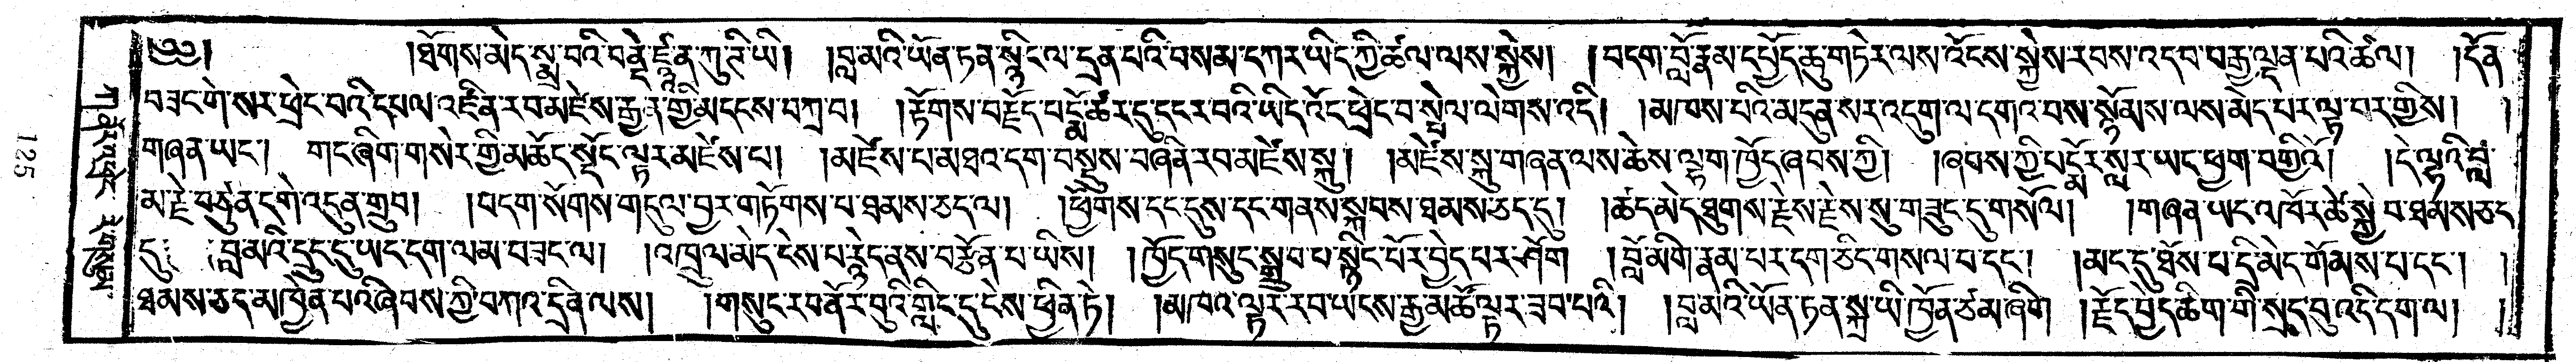༄༅། །ཐོགས་མེད་སྨྲ་བའི་བནྡེ་ཛྙཱ་ན་ཀུ་ཊི་ཡི། །བླ་མའི་ཡོན་ཏན་སྙིང་ལ་དྲན་པའི་བསམ་དཀར་ཡིད་ཀྱི་ཚལ་ལས་སྐྱེས། །བདག་བློ་རྣམ་དཔྱོད་ཆུ་གཏེར་ལས་འོངས་སྐྱེས་རབས་འདབ་བརྒྱ་ལྡན་པའི་ཚལ། །དོན་
བཟང་གེ་སར་ཕྲེང་བའི་དཔལ་འཛིན་རབ་མཛེས་རྒྱན་གྱི་མདངས་བཀྲ་བ། །རྟོགས་བརྗོད་པདམོ་ཚར་དུ་དངར་བའི་ཡིད་འོད་ཕྲེང་བ་སྤེལ་ལེགས་འདི། །མཁས་པའི་མདུན་སར་འདུག་ལ་དགའ་བས་སྙོམས་ལས་མེད་པར་ལྟ་བར་གྱིས། །
གཞན་ཡང་། གང་ཞིག་གསེར་གྱི་མཆོད་སྡོང་ལྟར་མཛེས་པ། །མཛེས་པ་མཐའ་དག་བསྡུས་བཞིན་རབ་མཛེས་སྐུ། །མཛེས་སྐུ་གཞན་ལས་ཆེས་ལྷག་ཁྱོད་ཞབས་ཀྱི། །ཞབས་ཀྱི་པདམོར་སླར་ཡང་ཕྱག་བགྱིའོ། །དེ་ལྷའི་བླ་
མ་རྗེ་བཙུན་དགེ་འདུན་གྲུབ། །བདག་སོགས་གདུལ་བྱར་གཏོགས་པ་ཐམས་ཅད་ལ། །ཕྱོགས་དང་དུས་དང་གནས་སྐབས་ཐམས་ཅད་དུ། །ཚད་མེད་ཐུགས་རྗེས་རྗེས་སུ་གཟུང་དུ་གསོལ། །གཞན་ཡང་འཁོར་ཚེ་སྐྱེ་བ་ཐམས་ཅད་
དུ༑ ༑བླ་མའི་དྲུང་དུ་ཡང་དག་ལམ་བཟང་ལ། །འཁྲུལ་མེད་ངེས་པ་རྙེད་ནས་བརྩོན་པ་ཡིས། །ཁྱོད་གསུང་སྒྲུབ་པ་སྙིང་པོར་བྱེད་པར་ཤོག །བློ་མིག་རྣམ་པར་དག་ཅིང་གསལ་བ་དང་། །མང་དུ་ཐོས་པ་དྲི་མེད་གོམས་པ་དང་།
ཐམས་ཅད་མཁྱེན་པའི་ཞབས་ཀྱི་བཀའ་དྲིན་ལས། །གསུང་རབ་ནོར་བུའི་གླིང་དུ་ངེས་ཕྱིན་ཏེ། །མཁའ་ལྟར་རབ་ཡངས་རྒྱ་མཚོ་ལྟར་ཟབ་པའི། །བླ་མའི་ཡོན་ཏན་སྐྲ་ཡི་ཁྱོན་ཙམ་ཞིག །རྗོད་བྱེད་ཚིག་གི་སྲད་བུ་འདི་དག་ལ། །